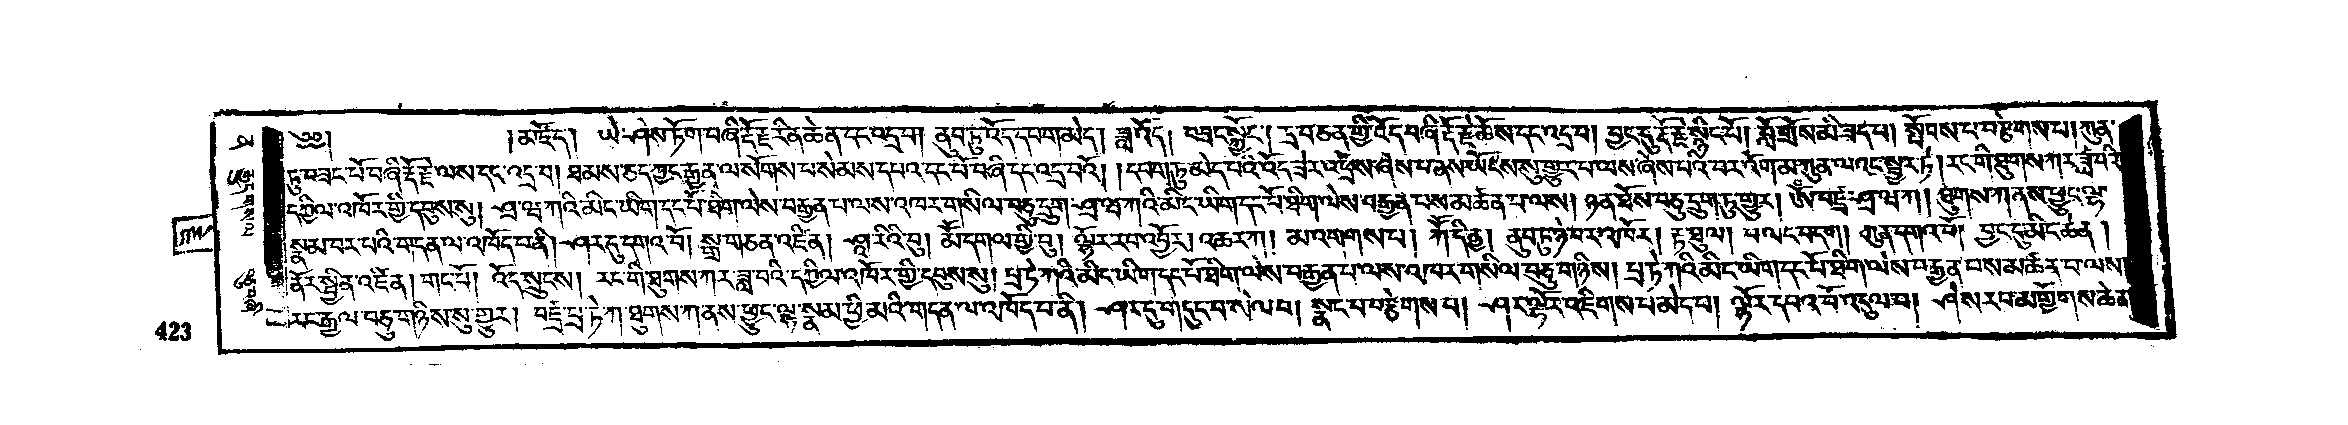༄༅། །མཛོད། ཡེ་ཤེས་ཏོག་བཞི་རྡོ་རེས་རིན་ཆེན་དང་འདྲ་བ། ནུབ་ཏུ་འོད་དཔག་མེད། ཟླ་འོད། བཟང་སྐྱོང་། དྲ་བ་ཅན་གྱི་འོད་བཞི་རྡོ་རྗེ་ཆོས་དང་འདྲ་བ། བྱང་དུ་རྡོ་རྗེ་སྙིང་པོ། བློ་གྲོས་མི་ཟད་པ། སྤོབས་པ་བརྩེགས་པ། ཀུན་
ཏུ་བཟང་པོ་བཞི་རྡོ་རྗེ་ལས་དང་འདྲ་བ། ཐམས་ཅད་ཀྱང་རྒྱན་ལ་སོགས་པ་སེམས་དཔའ་དང་པོ་བཞི་དང་འདྲ་བའོ། །དཔག་ཏུ་མེད་པའི་འོད་ཟེར་འཕྲོས་ཞེས་པ་ནས་ཡོངས་སུ་གྱུར་པ་ལས་ཞེས་པའི་བར་འོག་མ་ཀུན་ལའང་སྦྱར་ཏེ། རང་གི་ཐུགས་ཀར་ཟླ་བའི་
དཀྱིལ་འཁོར་གྱི་དབུས་སུ། ཤྲ་ཝ་ཀའི་མིང་ཡིག་དང་པོ་ཐིག་ལེས་བརྒྱན་པ་ལས་འཁོར་གསིལ་བཅུ་དྲུག་ཤྲ་ཝ་ཀའི་མིང་ཡིག་དང་པོ་ཐིག་ལེས་བརྒྱན་པས་མཚན་པ་ལས། ཉན་ཐོས་བཅུ་དྲུག་ཏུ་གྱུར། ཨོཾ་བཛྲ་ཤྲཱ་ཝ་ཀ། ཐུགས་ཀ་ནས་ཕྱུང་ལྷ་
སྣམ་པར་པའི་གདན་ལ་འཁོད་པ་ནི། ཤར་དུ་དགའ་བོ། སྒྲ་གཅན་འཛིན། ཤཱ་རིའི་བུ། མཽ་དགལ་གྱི་བུ། ལྷོར་རབ་འབྱོར། འཆར་ཀ། མ་འགགས་པ། ཀཽ་དི་ཉ། ནུབ་ཏུ་ཉེ་བར་འཁོར། རྟ་ཐུལ། བ་ལང་བདག། ཀུན་དགའ་བོ། བྱང་དུ་མིང་ཚན།
ནོར་སྦྱིན་འཛིན། གང་པོ། འོད་སྲུངས། རང་གི་ཐུགས་ཀར་ཟླ་བའི་དཀྱིལ་འཁོར་གྱི་དབུས་སུ། པྲ་ཏེ་ཀའི་མིང་ཡིག་དང་པོ་ཐིག་ལེས་བརྒྱན་པ་ལས་འཁོར་གསིལ་བཅུ་གཉིས། པྲ་ཏེ་ཀའི་མིང་ཡིག་དང་པོ་ཐིག་ལེས་བརྒྱན་པས་མཚན་པ་ལས།
རང་རྒྱལ་བཅུ་གཉིས་སུ་གྱུར། བཛྲ་པྲ་ཏེ་ཀ་ཐུགས་ཀ་ནས་ཕྱུང་ལྷ་སྣམ་ཕྱི་མའི་གདན་ལ་འཁོད་པ་ནི། ཤར་དུ་གདུང་བ་བསེལ་བ། སྣང་པ་བརྩེགས་པ། ཤར་ལྷོར་འཇིགས་པ་མེད་པ། ལྷོར་དཔའ་བོ་འདུལ་བ། ཤེས་རབ་མགྱོགས་ཆེན་